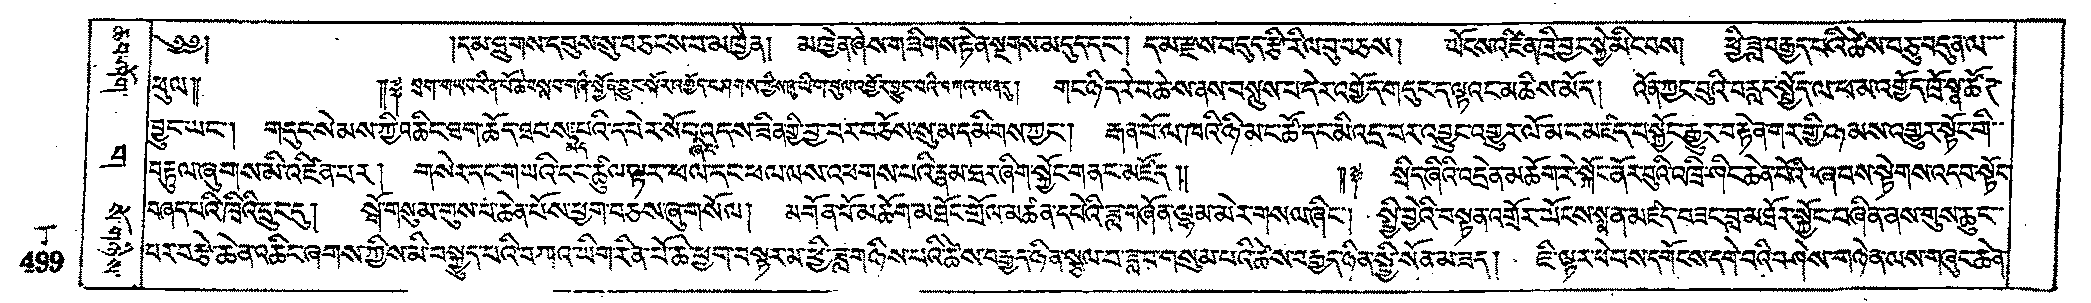༄༅། །དམ་ཐུགས་དབུས་སུ་བཅངས་བ་མཁྱཻན། མཁྱེན་ཞེས་གཟིགས་རྟེན་སྔགས་མདུད་དང་། དམ་རྫས་བདུད་རྩི་རིལ་བུ་བཅས། ཡོངས་འཛིན་ཁྲི་བྱང་སྐྱེ་མིང་པས། ཕྱི་ཟླ་བརྒྱད་པའི་ཚེས་བཅུ་བདུན་ལ་་་
ཕུལ།། །། འ་བྲག་གཡབ་རིན་པོ་ཆེ་བསླབ་གཞི་སྐྱོན་བྱུང་སྐོར་འགྱོད་བཤགས་ཀྱིས་ཞུ་ཡིག་ཕུལ་འབྱོར་བྱུང་བའི་བཀའ་ལན་དུ།  གང་ཉིད་རེ་བ་ཆེ་ས་ནས་བསླུས་པ་དེར་འགྱོད་གདུང་ད་ལྟའང་མཆིས་མོད། འོན་ཀྱང་བུའི་བརླང་སྤྱོད་ལ་ཕ་མ་འགྱོད་ཁྲོ་སྣ་ཚོཌ་
བྱུང་ཡང་། གདུང་སེམས་ཀྱི་འཆིང་ཐག་ཆོད་ཐབས་མེད་པའི་དཔེར་སོང་ཞིང་འདས་ཟིན་གྱི་བྱ་བར་བཅོས་སུ་མ་དམིགས་ཀྱང་། རྒན་པོ་ལ་ཁའི་ཉི་མ་ང་ཚོ་དང་མི་འདྲ་བར་འབྱུང་འགྱུར་ལོ་མང་མཛད་པ་སྐྱོང་རྒྱུར་བརྟེན་གར་གྱི་ཉམས་འགྱུར་སྟོང་གི་་་
བརྟུལ་ཞུགས་མི་འཛིན་པར། གསེར་དང་གཡའི་ངང་ཚུལ་ལྟར་ཕལ་དང་ཕལ་ལས་འཕགས་པའི་རྣམ་ཐར་ཞིག་སྐྱོང་གནང་མཛོད།། །།འ་སྲིད་ཞིའི་འདྲེན་མཆོག་རེ་སྐོང་ནོར་བུའི་འཁྲི་ཤིང་ཆེན་པོའི ༧ཞབས་སྟེགས་འདབ་སྟོང་
བཞད་པའི་ཁྲིའི་དྲུང་དུ། སྒོ་གསུམ་གུས་པ་ཆེན་པོས་ཕྱག་བཅས་ཞུ་གསོལ། མགོན་པོ་མཆོག་མཐོང་གྲོལ་མཚན་དཔེའི་ཟླ་གཞོན་ལྷམ་མེར་གསལ་ཞིང་། སྤྱི་བྱེའི་བསྟན་འགྲོར་ཡོངས་སྨན་མཛད་བཟང་བླ་མཐོར་སྐྱོང་བཞིན་ནས་གུས་ཆུང་་་
པར་བརྩེ་ཆེན་འཆིང་ཞགས་ཀྱིས་མི་བསྐྱུད་པའི་བཀའ་ཡིག་རིན་པོ་ཆེ་ཕྱག་བསྟར་མ་ཕྱི་ཟླ་གཉིས་པའི་ཚེས་བརྒྱད་ཉིན་སྩལ་བ་ཟླ་བ་གསུམ་པའི་ཚེས་བརྒྱད་ཉིན་སྤྱི་སོན་མ་ཟད། ཇི་ལྟར་ཕེབས་དགོངས་དགེ་བའི་བཤེས་གཉེན་ལས་གཞུང་ཆེན་